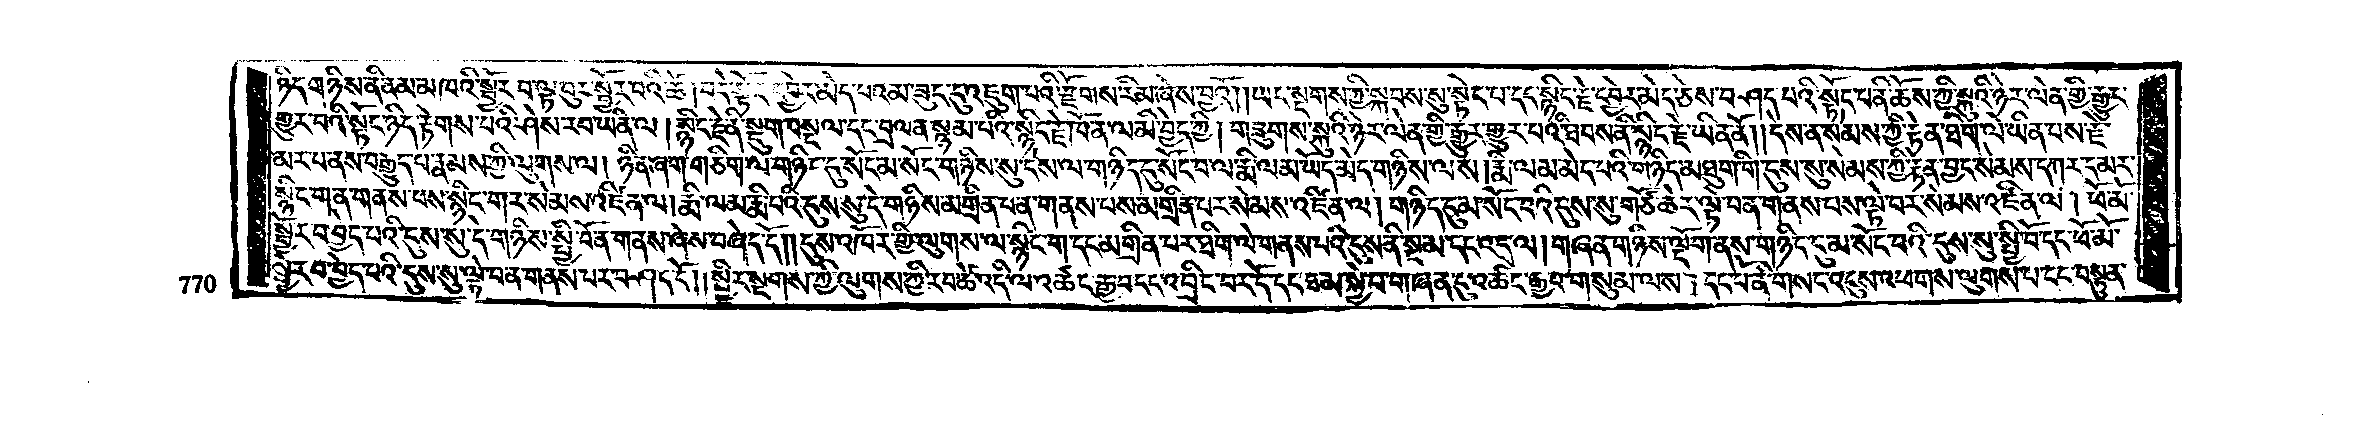ཉིད་གཉིས་ནི་ནམ་མཁའི་སྦྱོར་བ་ལྟ་བུར་སྦྱོར་བའི་ཚེ། བདེ་སྟོང་དབྱེར་མེད་པའམ་ཟུང་དུ་འཇུག་པའི་རྫོགས་རིམ་ཞེས་བྱའོ། །ཡང་སྔགས་ཀྱི་སྐབས་སུ་སྟེང་པ་དང་སྙིང་རྗེ་དབྱེར་མེད་ཅེས་བཤད་པའི་སྟོང་པ་ནི་ཆོས་ཀྱི་སྐུའི་ཉེར་ལེན་གྱི་རྒྱུར་
གྱུར་པའི་སྟོང་ཉིད་རྟོགས་པའི་ཤེས་རབ་ཡིན་ལ། སྙིང་རྗེ་ནི་སྡུག་བསྔལ་དང་བྲལ་ན་སྙམ་པའི་སྙིང་རྗེ་ཁོ་ན་ལ་མི་བྱེད་ཀྱི། གཟུགས་སྐུའི་ཉེར་ལེན་གྱི་རྒྱུར་གྱུར་པའི་ཐབས་ནི་སྙིང་རྗེ་ཡིན་ནོ། །དེས་ན་སེམས་ཀྱི་རྟེན་ཐིག་ལེ་ཡིན་པས་རྗེ་
མར་པ་ནས་བརྒྱུད་པ་རྣམས་ཀྱི་ལུགས་ལ། ཉིན་ཞག་གཅིག་ལ་གཉིད་དུ་སོང་མ་སོང་གཉིས་སུ་ངེས་ལ་གཉིད་དུ་སོང་བ་ལ་རྨི་ལམ་ཡོད་མེད་གཉིས་ལས། རྨི་ལམ་མེད་པའི་གཉིད་མཐུག་གི་དུས་སུ་སེམས་ཀྱི་རྟེན་བྱང་སེམས་དཀར་དམར་
སྙིང་ག་ན་གནས་པས་སྙིང་གར་སེམས་འཛིན་ལ། རྨི་ལམ་རྨི་བའི་དུས་སུ་དེ་གཉིས་མགྲིན་པ་ན་གནས་པས་མགྲིན་པར་སེམས་འཛིན་ལ། གཉིད་དུ་མ་སོང་བའི་དུས་སུ་གཙོ་ཆེར་ལྟེ་བ་ན་གནས་པས་ལྟེ་བར་སེམས་འཛིན་ལ། ཕོ་མོ་
སྦྱོར་བ་བྱེད་པའི་དུས་སུ་དེ་གཉིས་སྤྱི་བོ་ན་གནས་ཞེས་བཞེད་དོ། །དུས་འཁོར་གྱི་ལུགས་ལ་སྙིང་ག་དང་མགྲིན་པར་ཐིག་ལེ་གནས་པའི་དུས་ནི་སྔ་མ་དང་འདྲ་ལ། གཞན་གཉིས་ལྡོག་ནས་གཉིད་དུ་མ་སོང་བའི་དུས་སུ་སྤྱི་བོ་དང་ཕོ་མོ་
སྦྱོར་བ་བྱེད་པའི་དུས་སུ་ལྟེ་བ་ན་གནས་པར་བཤད་དོ། །སྤྱིར་སྔགས་ཀྱི་ལུགས་ཀྱི་རབ་ཚེ་འདི་ལ་འཚང་རྒྱ་བ་དང་འབྲིང་བར་དོ་དང་ཐ་མ་སྐྱེ་བ་གཞན་དུ་འཚང་རྒྱ་བ་གསུམ་ལས། དང་པོ་ནི། གསང་འདུས་འཕགས་ལུགས་པ་དང་བསྟུན་